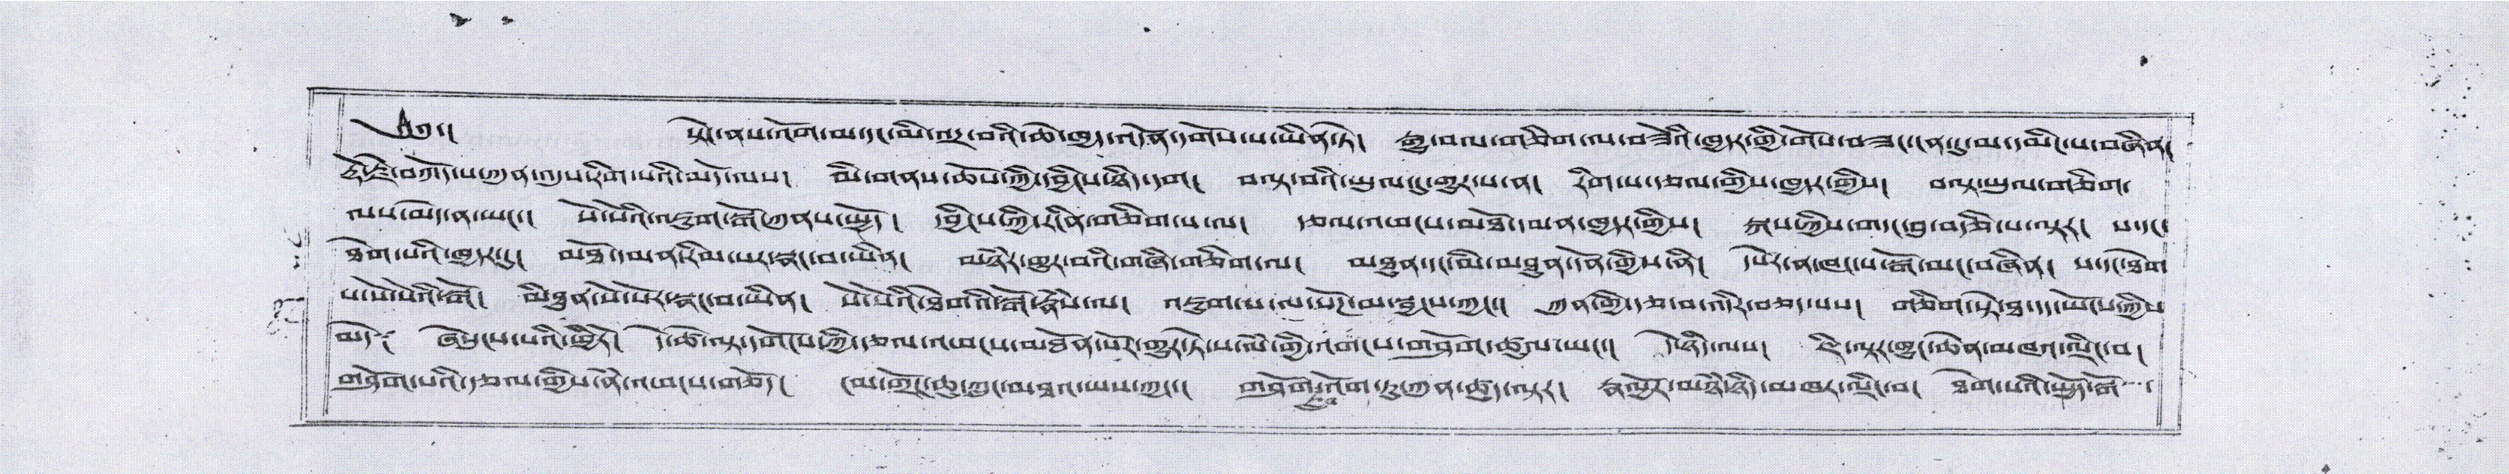ཡེ་ནས་འོག་མ་དང་མི་འདྲ་བའི་ཆེ་ཁྱད་འདོན་དགོས་པ་ཡིན་ཏེ། རྒྱུ་བལ་གཅིག་ལ་བཟོའི་ཁྱད་པར་གྱི་གོས་བཟང་ངན་དུ་མ་དམིགས་པ་བཞིན་
རྡོ་རྗེ་བཀོད་པ་ཀུན་འདུས་རིག་པའི་མདོ་ལས། མི་གནས་ཆོས་ཀྱི་དབྱིངས་ཉིད་དག བལྟ་བའི་ཡུལ་དུ་གྱུར་པ་ན། རིག་པ་རྩལ་གྱིས་ཁྱད་པར་གྱིས། བལྟ་ཡུལ་གཅིག་
ལས་མེད་ན་ཡང། སོ་སོའི་འཇུག་སྒོ་ཀུན་ནས་སྤྱོད། དབྱིངས་ཀྱི་རང་བཞིན་གཅིག་པ་ལ། རྩལ་འཕངས་མཐོ་དམན་ཁྱད་པར་གྱིས། སྐས་ཀྱིས་གདང་བུ་བརྩི་པ་ལྟར། ས་དང་
ཐེག་པའི་ཁྱད་པར་དུ། མཐོ་དམན་རིམ་པར་སྣང་བ་ཡིན། མཉམ་པར་གྱུར་བའི་གཞི་གཅིག་ལ། མཐུན་དང་མི་མཐུན་དོན་གྱིས་ནི། དཔེར་ན་ཁང་པ་སྒོ་མང་བཞིན། ས་དང་ཐེག་
པ་སོ་སོའི་སྒོ། མི་མཐུན་སོ་སོར་སྣང་བ་ཡིན། སོ་སོའི་ཐེག་པའི་སྒོ་རྣམས་ལ། འཇུག་པ་ལ་སོགས་མ་སྦྱངས་ཀྱང། ཀུན་གྱི་རྩ་བ་འདིར་བཅད་པས། གཅིག་སྟེ་ཐ་དད་ཡོངས་ཀྱིས་
མེད། ཞེས་གསུངས་པའི་ཕྱིར་རོ། དེ་ཚེ་ལྟ་དགོངས་ཀྱི་རྩལ་འཕངས་མཐོན་པོར་གྱུར་ཏེ་ས་ལམ་གྱི་འགངས་གཤོག་ཚུལ་ཡང། དེ་ཉིད་ལས། ཇི་ལྟར་ཁྱུང་ཆེན་མཁའ་ལྡིང་བ། 
གཤོག་པའི་རྩལ་གྱིས་ནམ་འཕངས་གཅོད། ངམ་གྲོང་ཆུ་ཀླུང་མཐའ་ཡས་ཀྱང། གཤོག་རླབ་འོག་ཏུ་ཀུན་ཚུད་ལྟར། རྣལ་འབྱོར་མཉམ་ཉིད་མཁར་ལྡིང་བ། ཐེག་པའི་སྤྱོད་སྒོ་